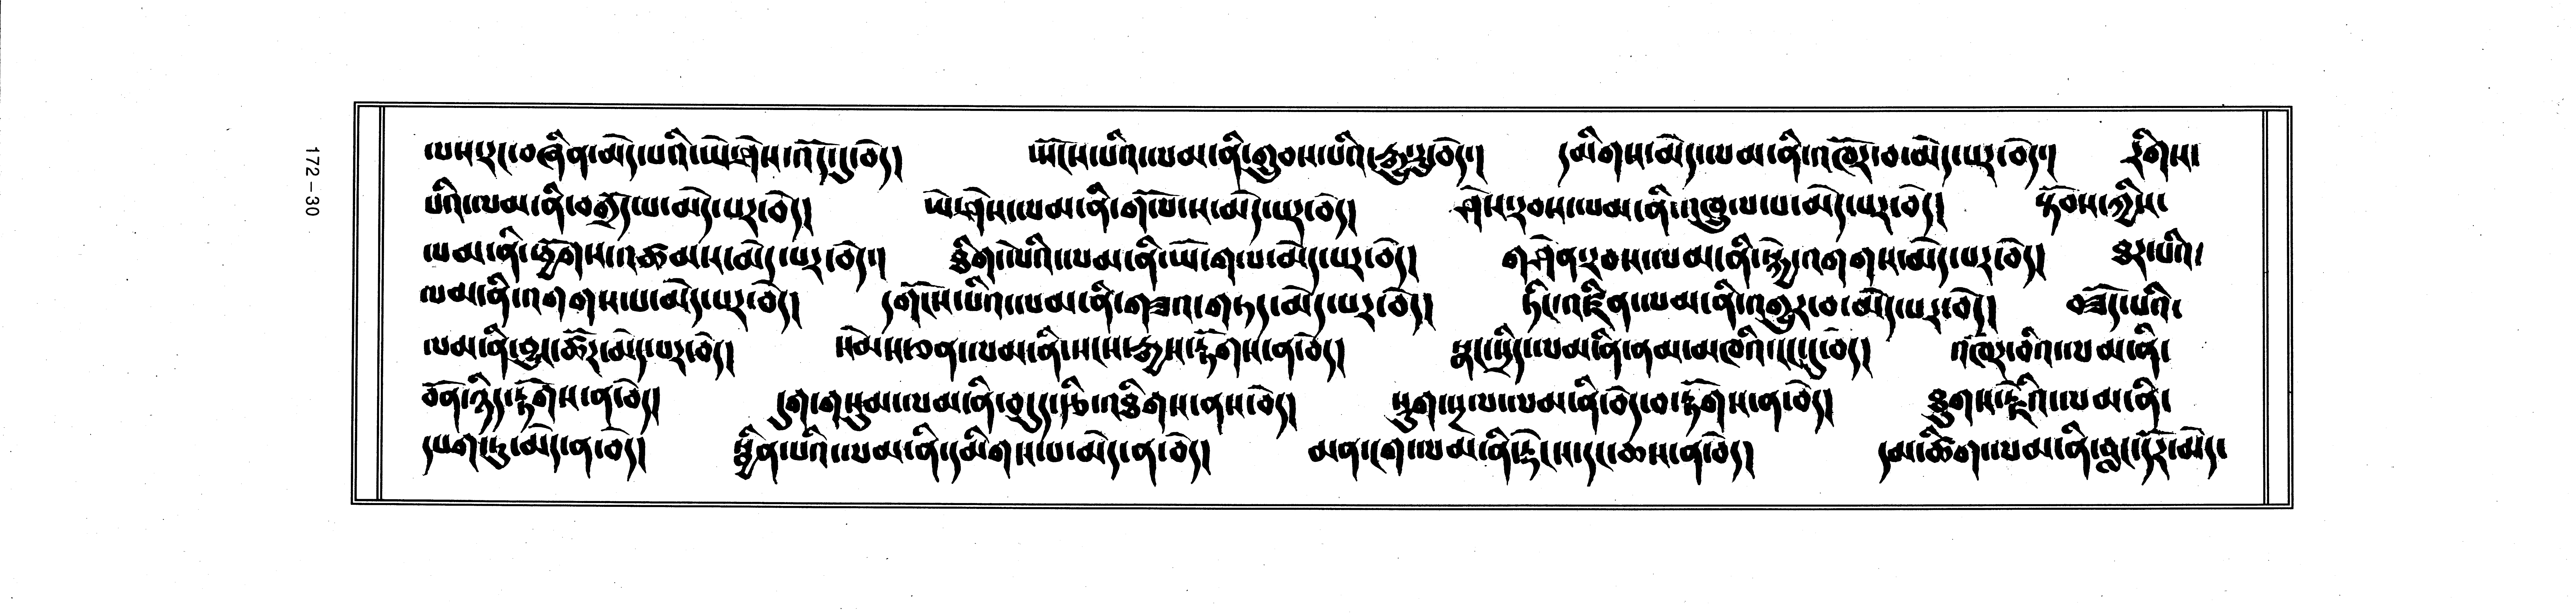རང་བཞིན་མེད་པའི་ཡེ་ཤེས་འོད་དུ་བདེ། སྤོངས་པའི་ལམ་ནི་གྲུབ་པའི་རྒྱུ་རུ་བདེ། དམིགས་མེད་ལམ་ནི་འཁོར་བ་མེད་པར་བདེ། རིགས་
པའི་ལམ་ནི་བགྲོད་པ་མེད་པར་བདེ། ཡེ་ཤེས་ལམ་ནི་གོལ་ས་མེད་པར་བདེ། ཤེས་རབ་ལམ་ནི་འཁྲུལ་པ་མེད་པར་བདེ། སྟོབས་ཀྱིས་
ལམ་ནི་འགགས་པ་མེད་པར་བདེ། ཐིག་ལེའི་ལམ་ནི་ཡོ་གལ་མེད་པར་བདེ། གཤེན་རབ་ལམ་ནི་སྐྱེ་འགགས་མེད་པར་བདེ། ཐར་བའི་
ལམ་ནི་འགགས་པ་མེད་པར་བདེ། དགོངས་པའི་ལམ་ནི་གཟའ་གཏད་མེད་པར་བདེ། ཏིང་འཛིན་ལམ་ནི་འགྱུར་བ་མེད་པར་བདེ། བཟོད་པའི་
ལམ་ནི་བྱུང་ཚོར་མེད་པར་བདེ། སེམས་ཅན་ལམ་ནི་སངས་རྒྱས་རྟོགས་ན་བདེ། སྣང་སྲིད་ལམ་ནི་ནམ་མཁའི་ངང་དུ་བདེ། འཁོར་བའི་ལམ་ནི་
བོན་ཉིད་རྟོགས་ན་བདེ། དུག་གསུམ་ལམ་ནི་བདུད་རྩི་འཐིགས་ནས་བདེ། སྡུག་བསྔལ་ལམ་ནི་བདེ་བ་རྟོགས་ན་བདེ། ཐུགས་རྗེའི་ལམ་ནི་
དཔག་ཏུ་མེད་ན་བདེ། སྦྱིན་པའི་ལམ་ནི་དམིགས་པ་མེད་ན་བདེ། མན་ངག་ལམ་ནི་རྡེངས་དང་ཆས་ན་བདེ། དམ་ཚིག་ལམ་ནི་བླང་དོར་མེད་